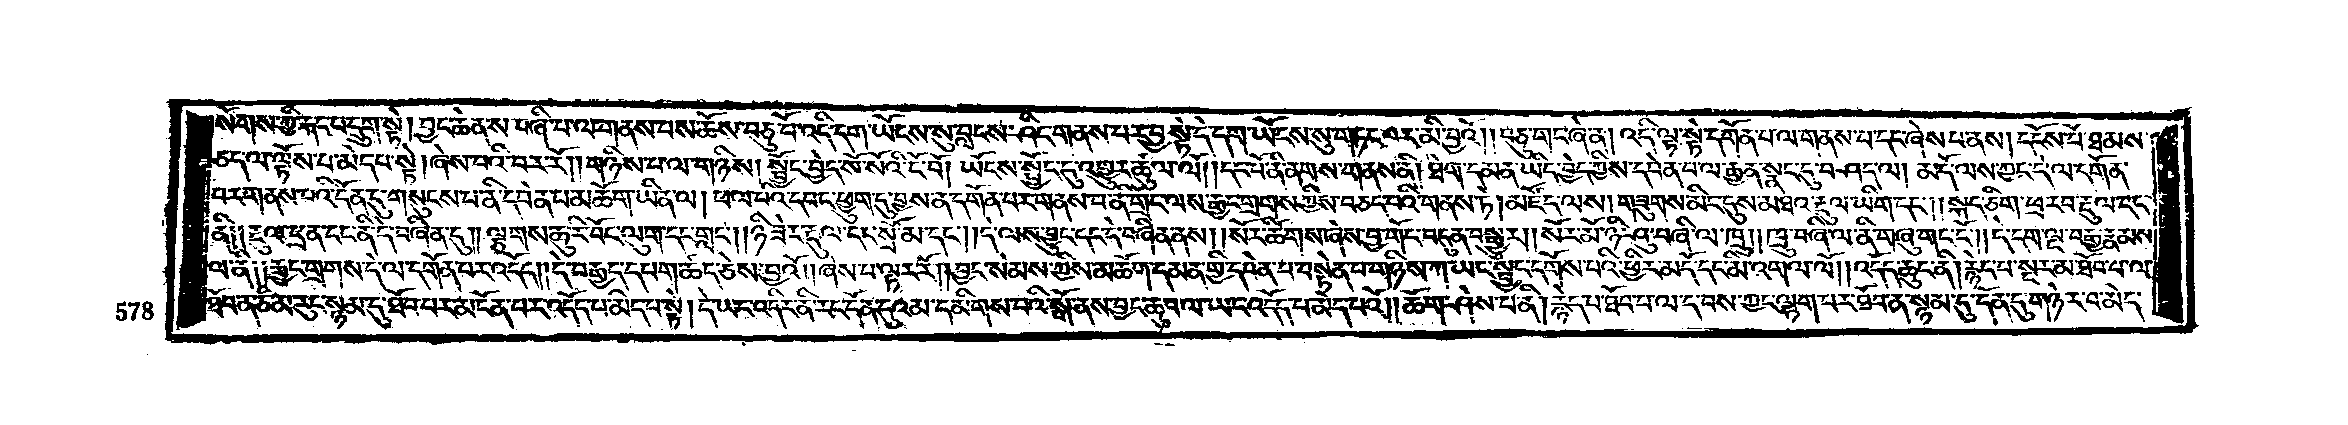སོགས་ཀྱི་རྐང་པ་དྲུག་སྟེ། བྱང་ཆེན་ས་བཞི་པ་ལ་གནས་པས་ཆོས་བཅུ་པོ་འདི་དག་ཡོངས་སུ་བླངས་ཤིང་གནས་པར་བྱ་སྟེ་དེ་དག་ཡོངས་སུ་གཏང་བར་མི་བྱའོ། །བཅུ་གང་ཞེ་ན། འདི་ལྟ་སྟེ་དགོན་པ་ལ་གནས་པ་དང་ཞེས་པ་ནས། དངོས་པོ་ཐམས་
ཅད་ལ་ལྟོས་པ་མེད་པ་སྟེ། ཞེས་པའི་བར་རོ། །གཉིས་པ་ལ་གཉིས། སྦྱོང་བྱེད་སོ་སོའི་ངོ་བོ། ཡོངས་སྦྱོང་དུ་འགྱུར་ཚུལ་ལོ། །དང་པོ་ནི་ནགས་གནས་ནི། ཐེག་དམན་ཡིད་བྱེད་ཀྱིས་དབེན་པ་ལ་རྒྱན་སྣང་དུ་བཤད་ལ། མདོ་ལས་ཀྱང་དེ་ལ་དགོན་
པར་གནས་པའི་དོན་དུ་གསུངས་པ་ནི་དབེན་པ་མཆོག་ཡིན་ལ། ཕལ་བའི་དབང་ཕྱུག་དུ་བྱས་ན་དགོན་པར་གནས་པ་ནི་གྲོང་ལས་རྒྱང་གྲགས་ཀྱིས་བཅད་པའི་གནས་ཏེ། མཛེད་ལས། གཟུགས་མིང་དུས་མཐའ་རྡུལ་ཡིག་དང་། །སྐད་ཅིག་ཕྲ་རབ་རྡུལ་དང་
ནི། །རྡུལ་ཕྲན་དང་ནི་དེ་བཞིན་དུ། །ལྕགས་ཆུ་རི་བོང་ལུག་དང་གླང་། །ཉི་ཟེར་རྡུལ་དང་སྲོ་མོ་དང་། །དེ་ལས་བྱུང་དང་དེ་བཞིན་ནས། །སོར་ཚིགས་ཞེས་བྱ་གོང་བདུན་བསྒྱུར། །སོར་མོ་ཉི་ཤུ་བཞི་ལ་ཁྲུ། །ཁྲུ་བཞི་ལ་ནི་གཞུ་གང་ངོ། །དེ་དག་ལྔ་བརྒྱ་རྣམས་
ལ་ནི། །རྒྱང་གྲགས་དེ་ལ་དགོན་པར་འདོད། །དེ་བརྒྱད་དཔག་ཚད་ཅེས་བྱའོ། །ཞེས་པ་ལྟར་རོ། །བྱང་སེམས་ཀྱིས་མཆོག་དམན་གྱི་དབེན་པ་བསྟན་པ་གཉིས་ཀ་ཡང་སྦྱང་དགོས་པའི་ཕྱིར་མདོ་དང་མི་འགལ་ལོ། །འདོད་ཆུང་ནི། རྙེད་པ་སྔར་མ་ཐོབ་པ་ལ་
ཐོབ་ན་ཅི་མ་རུང་སྙམ་དུ་ཐོབ་པར་མངོན་པར་འདོད་པ་མེད་པ་སྟེ། དེ་ཡང་འདིར་ནི་རང་དོན་དུའམ་དམིགས་པའི་སྒོ་ནས་བྱང་ཆུབ་ལ་ཡང་འདོད་པ་མེད་པའོ། །ཆོག་ཤེས་པ་ནི། རྙེད་པ་ཐོབ་པ་ལ་དེ་བས་ཀྱང་ལྷག་པར་ཐོབ་ན་སྙམ་དུ་དོན་དུ་གཉེར་བ་མེད་